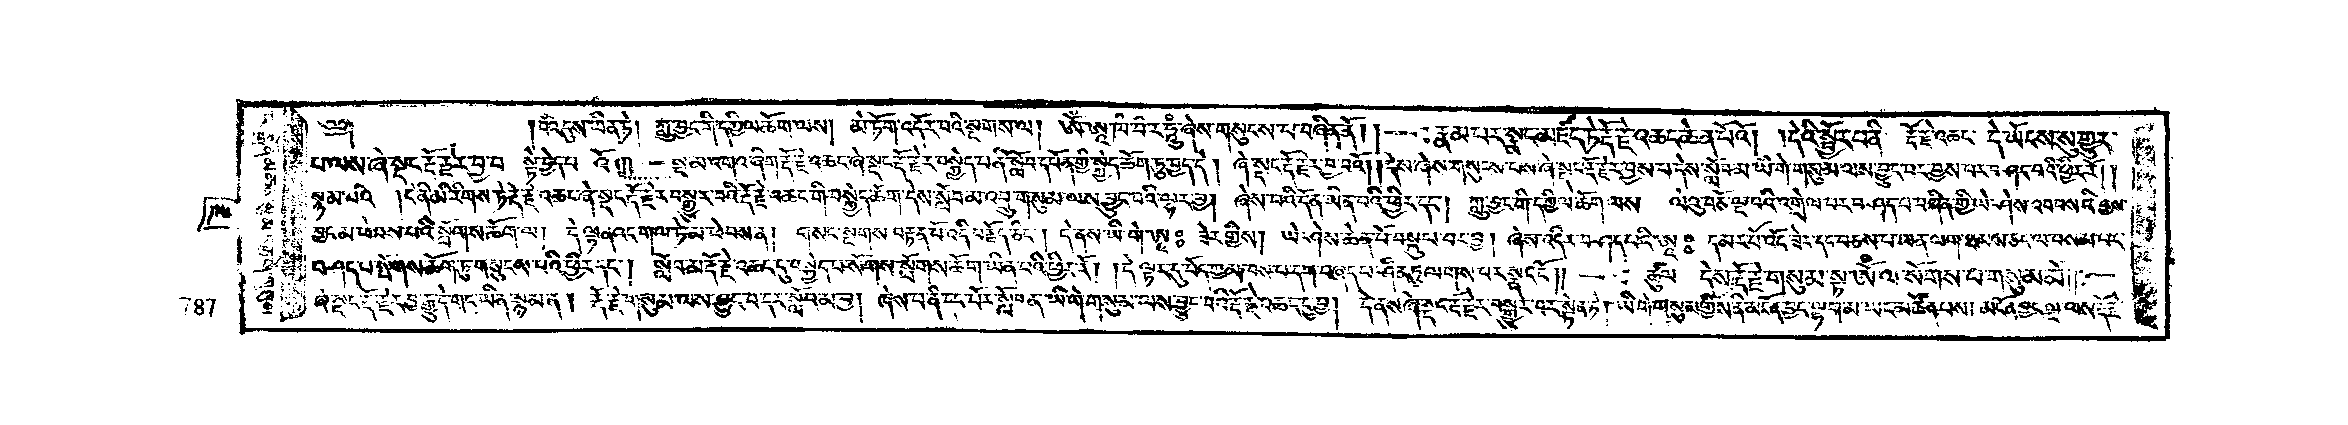༄༅། །བའི་དུས་ཡིན་ཏེ། ཀླུ་བྱང་གི་དཀྱིལ་ཆོག་ལས། མེ་ཏོག་འདོར་བའི་སྔགས་ལ། ཨོཾ་ཨཱ་ཁི་བི་ར་ཧཱུཾ་ཞེས་གསུངས་པ་བཞིན་ནོ།། .H རྣམ་པར་སྣང་མཛད་ཏེ་རྡོ་རྗེ་འཆང་ཆེན་པོའོ། །དེའི་སྦྱོར་བ་ནི་རྡོ་རྗེ་འཆང་དེ་ཡོངས་སུ་གྱུར་
པ་ལས་ཞེ་སྡང་རྡོ་རྗེར་བྱ་བ་སྟེ་བྱེད་པའོ།། .H སྔ་མ་འགའ་ཞིག་རྡོ་རྗེ་འཆང་ཞེ་སྡང་རྡོ་རྗེར་བསྐྱེད་པ་ནི་སློབ་དཔོན་གྱི་སྐྱེད་ཆོག་ཏུ་བྱད་དེ། ཞེ་སྡང་རྡོ་རྗེར་བྱ་བའོ། །དེས་ཞེས་གསུངས་པས་ཞེ་སྡང་རྡོ་རྗེར་བྱས་པ་དེས་སློབ་མ་ཡི་གེ་གསུམ་ལས་བྱུང་བར་བྱས་པར་བཤད་པའི་ཕྱིར་རོ།།
སྙམ་པའི། །དེ་ནི་མི་རིགས་ཏེ་རྡོ་རྗེ་འཆང་ཞེ་སྡང་རྡོ་རྗེར་བསྒྱུར་བའི་རྡོ་རྗེ་འཆང་གི་བསྐྱེད་ཆོག་དེས་སློབ་མ་འབྲུ་གསུམ་ལས་བྱུང་བའི་ལྷར་བྱ། ཞེས་པའི་དོན་ཡིན་པའི་ཕྱིར་དང་། ཀླུ་བྱང་གི་དཀྱིལ་ཆོག་པས་ལེའུ་བཅོ་ལྔ་པའི་འགྲེལ་པར་བཤད་པ་བཞིན་གྱི་ཡེ་ཤེས་འབབས་པ་བྱས་
ཀྱང་མ་ཕེབས་པའི་སྤོགས་ཆོག་ལ། དེ་ལྟ་ནའང་གལ་ཏེ་མ་ཕབས་ན། གསང་སྔགས་བརྟན་པོ་འདི་བརྗོད་ཅིང་། དེ་ནས་ཡི་གེ་ཨཱཿ ཟེར་གྱིས། ཡེ་ཤེས་ཆེན་པོ་བསྐུལ་བར་བྱ། ཞེས་འདིར་བཤད་པའི་ཨཱཿ དམར་པོ་འོད་ཟར་དང་བཅས་པ་ཡན་ལག་ཐམས་ཅད་ལ་བསམ་པར་
བཤད་པ་སྤོགས་ཆོག་ཏུ་གསུངས་པའི་ཕྱིར་དང་། སློབ་མ་རྡོ་རྗེ་འཆང་དུ་བསྐྱེད་པ་སོགས་སྤོགས་ཆོག་ཡིན་པའི་ཕྱིར་རོ། །དེ་ལྟར་དུ་བོད་ཀྱི་མཁས་པ་དག་བཞེད་པ་ཤིན་ཏུ་ལགས་པར་སྣང་ངོ།། .H ཆུལ་དེས་རྡོ་རྗེ་གསུམ་སྟ་ཨོཾ་ལ་སོགས་པ་གསུམ་མོ།། H.
ཞེ་སྡང་རྡོ་རྗེར་བྱ་རྒྱུ་དེ་གང་ཡིན་སྙམ་ན། རྡོ་རྗེ་གསུམ་ལས་བྱུང་བ་དར་སློབ་མ་བྱ། ཞེས་པ་ནི་དང་པོར་སྤོབ་ན་ཡི་གེ་གསུམ་ལས་བྱུང་བའི་རྡོ་རྗེ་འཆང་དུ་བྱ། ད་ནས་ཞེ་སྡང་རྡོ་རྗེར་བསྒྱུར་བར་སྟོན་ཏེ། ཡི་གེ་གསུམ་གྱིས་ནི་མངོན་བྱང་ལྷག་མ་ཡང་མཚོན་པས། མངོན་བྱང་ལྔ་ལས་རྡོ་རྗེ་